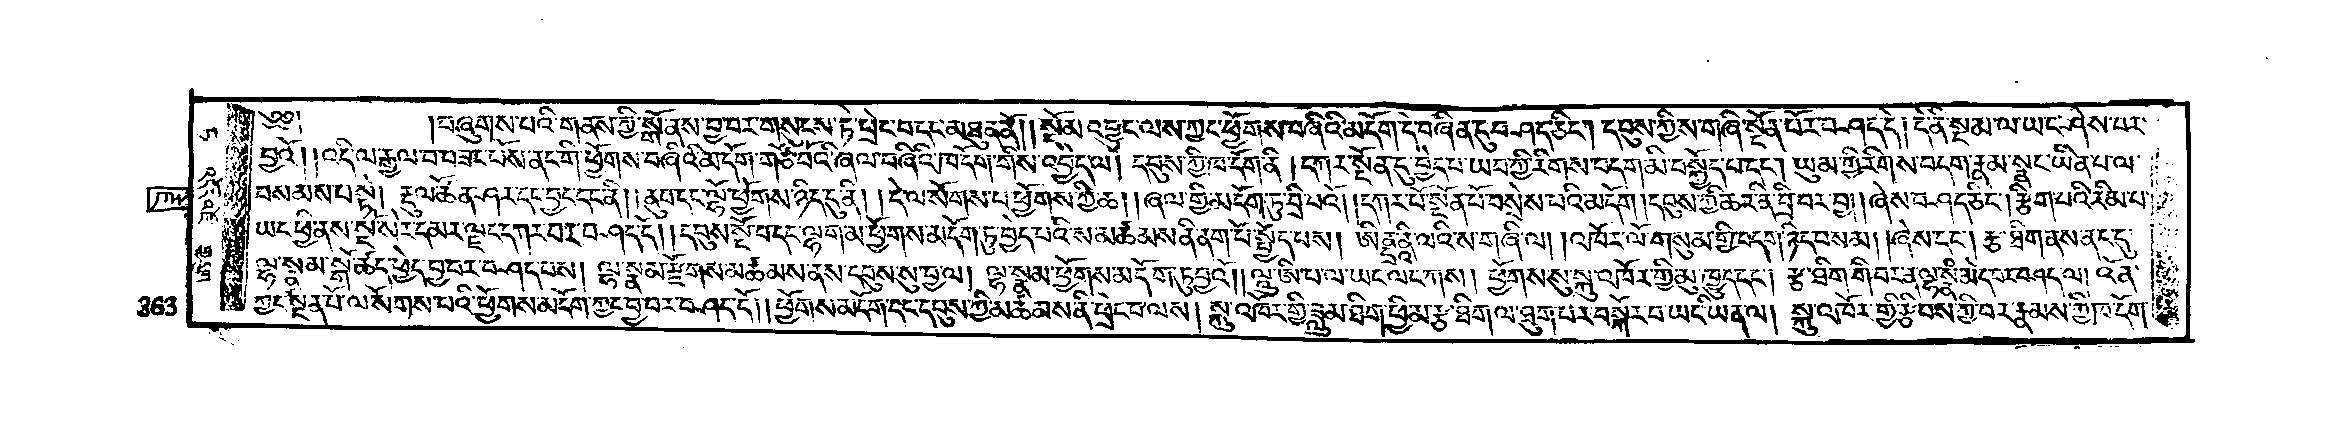༄༅། །བཞུགས་པའི་གནས་ཀྱི་སྒོ་ནས་བྱ་བར་གསུངས་ཏེ་ཕྲེང་བ་དང་མཐུན་ནོ། །སྡོམ་འབྱུང་ལས་ཀྱང་ཕྱོགས་བཞིའི་མདོག་དེ་བཞིན་དུ་བཤད་ཅིང་། དབུས་ཀྱི་ས་བཞི་སྔོན་པོར་བཤད་དེ། དེ་ནི་སྔ་མ་ལ་ཡང་ཤེས་པར་
བྱའོ། །འདི་ལ་རྒྱལ་བ་བཟང་པོས་ནང་གི་ཕྱོགས་བཞིའི་མདོག་གཙོ་བོའི་ཞལ་བཞིའི་ཁ་དོག་གིས་འབྱེད་ལ། དབུས་ཀྱི་ཁ་དོག་ནི། དཀར་སྔོན་དུ་བྱེད་པ་ཡབ་ཀྱི་རིགས་བདག་མི་བསྐྱོད་པ་དང་། ཡུམ་གྱི་རིགས་བདག་རྣམ་སྣང་ཡིན་པ་ལ་
བསམས་པ་སྟེ། རྡུལ་ཚོན་ཤར་དང་བྱང་དང་ནི། །ནུབ་དང་ལྷོ་ཕྱོགས་ཉིད་དུ་ནི། །དེ་ལ་སོགས་པ་ཕྱོགས་ཀྱི་ཆ། །ཞལ་གྱི་མདོག་ཏུ་བྲི་བའོ། །དཀར་པོ་སྔོན་པོ་བསྲེས་པའི་མདོག །དབུས་ཀྱི་ཆར་ནི་པྲི་བར་བྱ། །ཞེས་བཤད་ཅིང་། རྩིག་པའི་རིམ་པ་
ཡང་ཕྱི་ནས་སྔོ་སེར་དམར་ལྗང་དཀར་བར་བཤད་དོ། །དབུས་སྔོ་བ་དང་ལྷག་མ་ཕྱོགས་མདོག་ཏུ་བྱེད་པའི་ས་མཚམས་ནི་ནག་པོ་སྤྱོད་པས། ཨིནྡྲ་ནཱི་ལའི་ས་གཞི་ལ། །འཁོར་ལོ་གསུམ་གྱི་བདག་ཉིད་བསམ། །ཞེས་དང་། རྩ་ཐིག་ནས་ནང་དུ་
ལྷ་སྣམ་སྒོ་ཚད་ཕྱེད་བྱ་བར་བཤད་པས། ལྷ་སྣམ་རྫོགས་མཚམས་ནས་དབུས་སུ་བྱ་ལ། ལྷ་སྣམ་ཕྱོགས་མདོག་ཏུ་བྱའོ། །ལཱུ་ཨི་པ་ལ་ཡང་ལང་ཀས། ཕྱོགས་སུ་སྐུ་འཁོར་གྱི་མུ་ཁྱུད་དང་། རྩ་ཐིག་གི་བར་ན་ལྷ་སྣཾ་མེད་པར་བཤད་ལ། འོན་
ཀྱང་སྔོན་པོ་ལ་སོགས་པའི་ཕྱོགས་མདོག་ཀྱང་བྱ་བར་བཤད་དོ། །ཕྱོགས་མདོག་དང་དབུས་ཀྱི་མཚམས་ནི་ཕྲེང་བ་ལས། སྐུ་འཁོར་གྱི་ཟླུམ་ཐིག་ཕྱི་མ་རྩ་ཐིག་ལ་ཐུག་པར་བསྐོར་བ་ཡང་ཡིན་ལ། སྐུ་འཁོར་གྱི་རྩིབས་ཀྱི་བར་རྣམས་ཀྱི་ཁ་དོག་